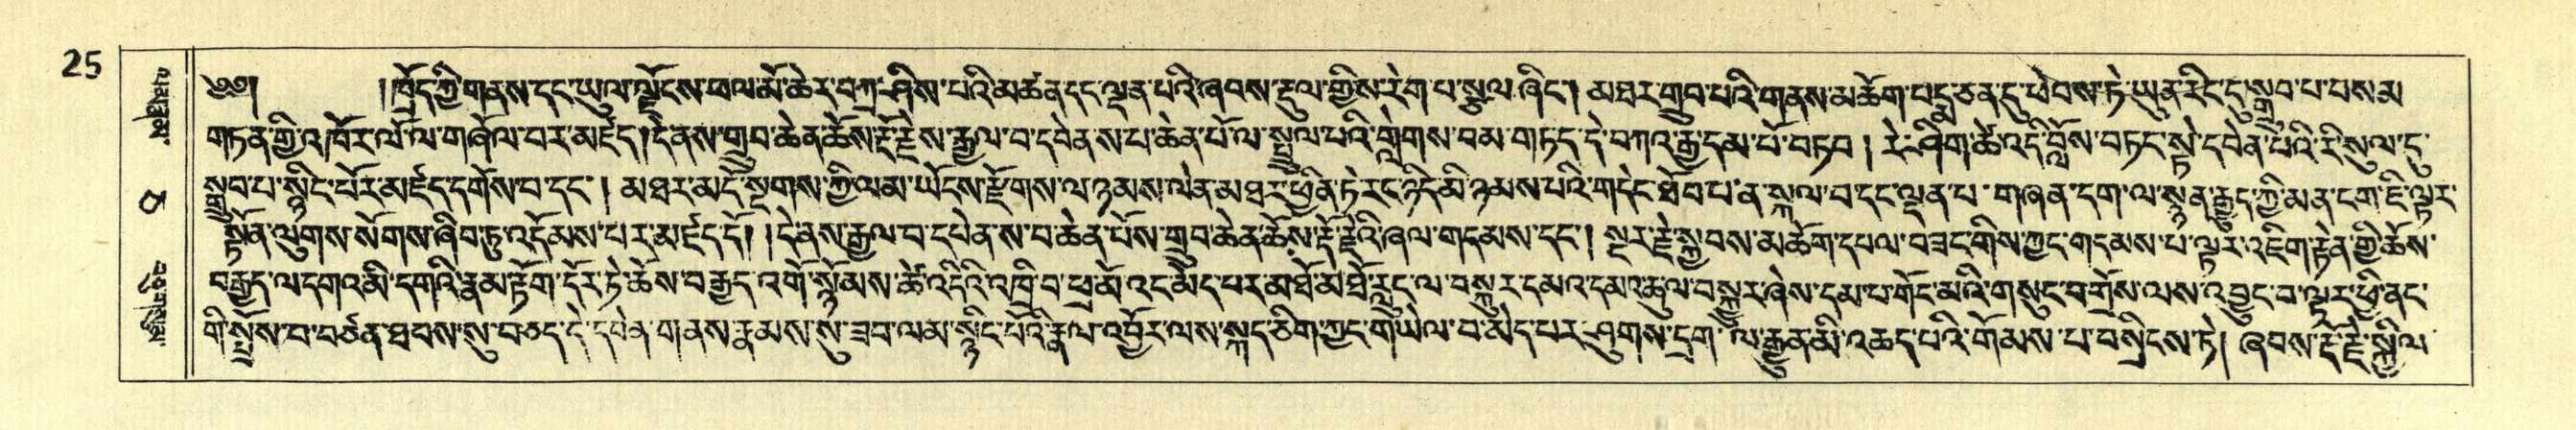༄༅། །ཁྲོད་ཀྱི་གནས་དང་ཡུལ་ལྗོངས་ཕལ་མོ་ཆེར་བཀྲ་ཤིས་པའི་མཚན་དང་ལྡན་པའི་ཞབས་རྡུལ་གྱིས་རེག་པ་སྩལ་ཞིང་། མཐར་གྲུབ་པའི་གནས་མཆོག་པདམ་ཅན་དུ་ཕེབས་ཏེ་ཡུན་རིང་དུ་སྒྲུབ་པ་བསམ་
གཏན་གྱི་འཁོར་ལོ་ལ་གཞོལ་བར་མཛད། དེ་ནས་གྲུབ་ཆེན་ཆོས་རྡོ་རྗེས་རྒྱལ་བ་དབེན་ས་པ་ཆེན་པོ་ལ་སྤྲུལ་པའི་གླེགས་བམ་གཏད་དེ་བཀའ་རྒྱ་དམ་པོ་བཏབ། རེ་ཤིག་ཚེ་འདི་བློས་བཏང་སྟེ་དབེན་པའི་རི་སུལ་དུ་
སྒྲུབ་པ་སྙིང་པོར་མཛད་དགོས་བ་དང་། མཐར་མདོ་སྔགས་ཀྱི་ལམ་ཡོངས་རྫོགས་ལ་ཉམས་ལེན་མཐར་ཕྱིན་ཏེ་རང་ཉིད་མི་ཉམས་པའི་གདེང་ཐོབ་པ་ན་སྐལ་བ་དང་ལྡན་པ་གཞན་དག་ལ་སྙན་རྒྱུད་ཀྱི་མན་ངག་ཇི་ལྟར་
སྟོན་ལུགས་སོགས་ཞིབ་ཏུ་འདོམས་པར་མཛད་དོ། །དེ་ནས་རྒྱལ་བ་དཔེན་ས་པ་ཆེན་པོས་གྲུབ་ཆེན་ཆོས་རྡོ་རྗེའི་ཞལ་གདམས་དང་། སྔར་རྗེ་སྐྱབས་མཆོག་དཔལ་བཟང་གིས་ཀྱང་གདམས་པ་ལྟར་འཇིག་རྟེན་གྱི་ཆོས་
བརྒྱད་ལ་དགའ་མི་དགའི་རྣམ་རྟོག་དོར་ཏེ་ཆོས་བརྒྱད་འགོ་སྙོམས་ཚེ་འདིའི་འཁྲི་བ་ཕྲ་མོ་འང་མེད་པར་མཐོ་མཐོ་རླུང་ལ་བསྐུར་དམའ་དམའ་ཆུ་ལ་བསྐྱུར་ཞེས་དམ་པ་གོང་མའི་གསུང་བགྲོས་ལས་འབྱུང་བ་ལྟར་ཕྱི་ནང་
གི་སྤྲོས་བ་བཙན་ཐབས་སུ་བཅད་དེ་དབེན་གནས་རྣམས་སུ་ཟབ་ལམ་སྙིང་པོའི་རྣལ་འབྱོར་ལས་སྐད་ཅིག་ཀྱང་གཡེལ་བ་མེད་པར་ཤུགས་དྲག་ལ་རྒྱུན་མི་འཆད་པའི་གོམས་པ་བསྲིངས་ཏེ། ཞབས་རྡོ་རྗེ་སྐྱིལ་